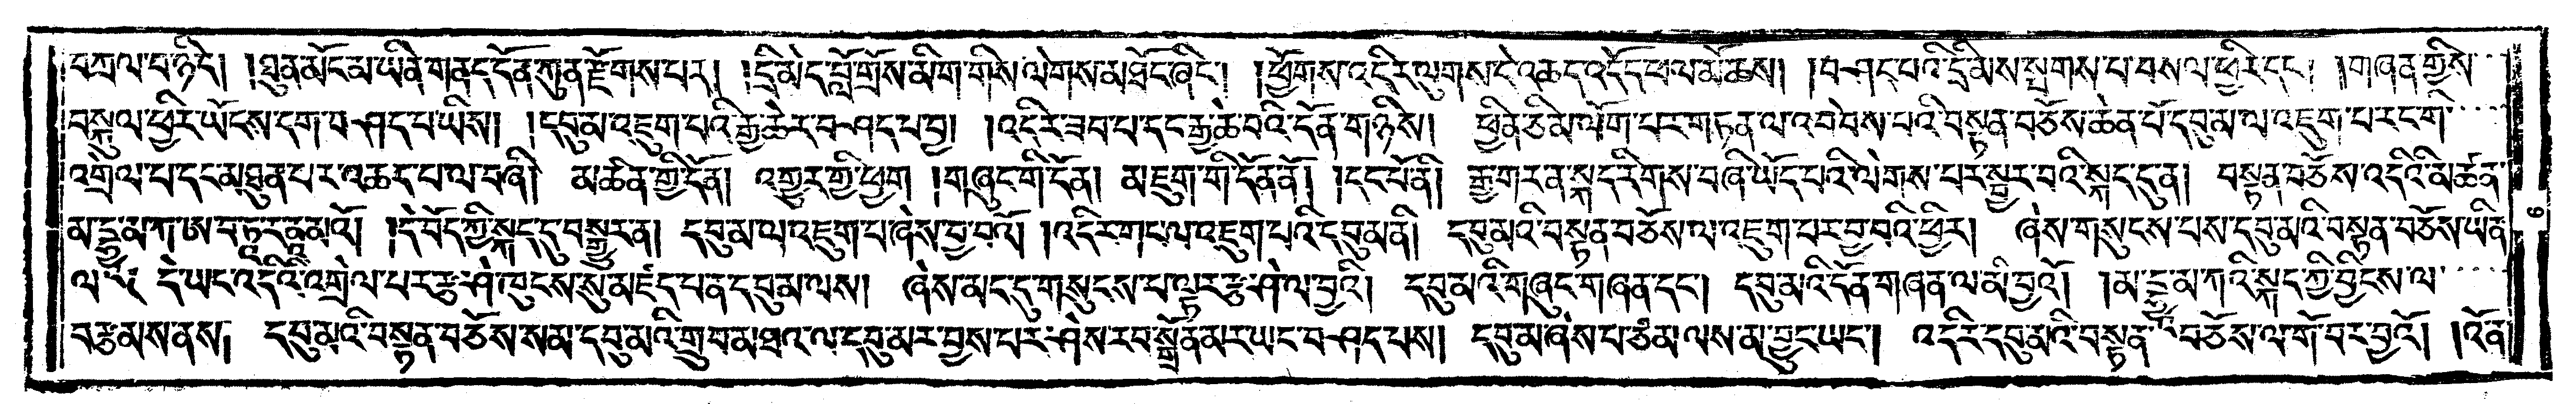བཀྲལ་བ་ཉིད། །ཐུན་མོང་མ་ཡིན་གནད་དོན་ཀུན་རྫོགས་པར། །དྲི་མེད་བློ་གྲོས་མིག་གིས་ལེགས་མཐོང་ཞིང་། །ཕྱོགས་འདིར་ལུགས་དེ་འཆད་འདོད་ཕལ་མོ་ཆེས། །བཤད་པའི་དྲི་མས་སྦགས་པ་བསལ་ཕྱིར་དང་། །གཞན་གྱིས་
བསྐུལ་ཕྱིར་ཡོངས་དག་བཤད་པ་ཡིས། །དབུ་མ་འཇུག་པའི་རྒྱ་ཆེར་བཤད་པ་བྱ། །འདིར་ཟབ་པ་དང་རྒྱ་ཆེ་བའི་དོན་གཉིས། ཕྱིན་ཅི་མ་ལོག་པར་གཏན་ལ་འབེབས་པའི་བསྟན་བཅོས་ཆེན་པོ་དབུ་མ་ལ་འཇུག་པ་རང་གི་
འགྲེལ་པ་དང་མཐུན་པར་འཆད་པ་ལ་བཞི། མཚན་གྱི་དོན། འགྱུར་གྱི་ཕྱག །གཞུང་གི་དོན། མཇུག་གི་དོན་ནོ། །དང་པོ་ནི། རྒྱ་གར་ན་སྐད་རིགས་བཞི་ཡོད་པའི་ལེགས་པར་སྦྱར་བའི་སྐད་དུ་ན། བསྟན་བཅོས་འདིའི་མཚན་
མ་དྷྱཱ་མ་ཀ་ཨ་བ་ཏཱ་ར་ནཱ་མའོ། །དེ་བོད་ཀྱི་སྐད་དུ་བསྒྱུར་ན། དབུ་མ་ལ་འཇུག་པ་ཞེས་བྱ་བའོ། །འདིར་གང་ལ་འཇུག་པའི་དབུ་མ་ནི། དབུ་མའི་བསྟན་བཅོས་ལ་འཇུག་པར་བྱ་བའི་ཕྱིར། ཞེས་གསུངས་པས་དབུ་མའི་བསྟན་བཅོས་ཡིན་
ལ༑ དེ་ཡང་འདིའི་འགྲེལ་པར་རྩ་ཤེ་ཁུངས་སུ་མཛད་པ་ན་དབུ་མ་ལས། ཞེས་མང་དུ་གསུངས་པ་ལྟར་རྩ་ཤེ་ལ་བྱའི། དབུ་མའི་གཞུང་གཞན་དང་། དབུ་མའི་དོན་གཞན་ལ་མི་བྱའོ། །མ་དྷྱཱ་མ་ཀའི་སྐད་ཀྱི་བྱིངས་ལ་
བརྩམས་ནས། དབུ་མའི་བསྟན་བཅོས་སམ་དབུ་མའི་གྲུབ་མཐའ་ལ་དབུ་མར་བྱས་པར་ཤེས་རབ་སྒྲོན་མར་ཡང་བཤད་པས། དབུ་མ་ཞེས་པ་ཙམ་ལས་མ་བྱུང་ཡང་། འདིར་དབུ་མའི་བསྟན་བཅོས་ལ་གོ་བར་བྱའོ། །འོ་ན་